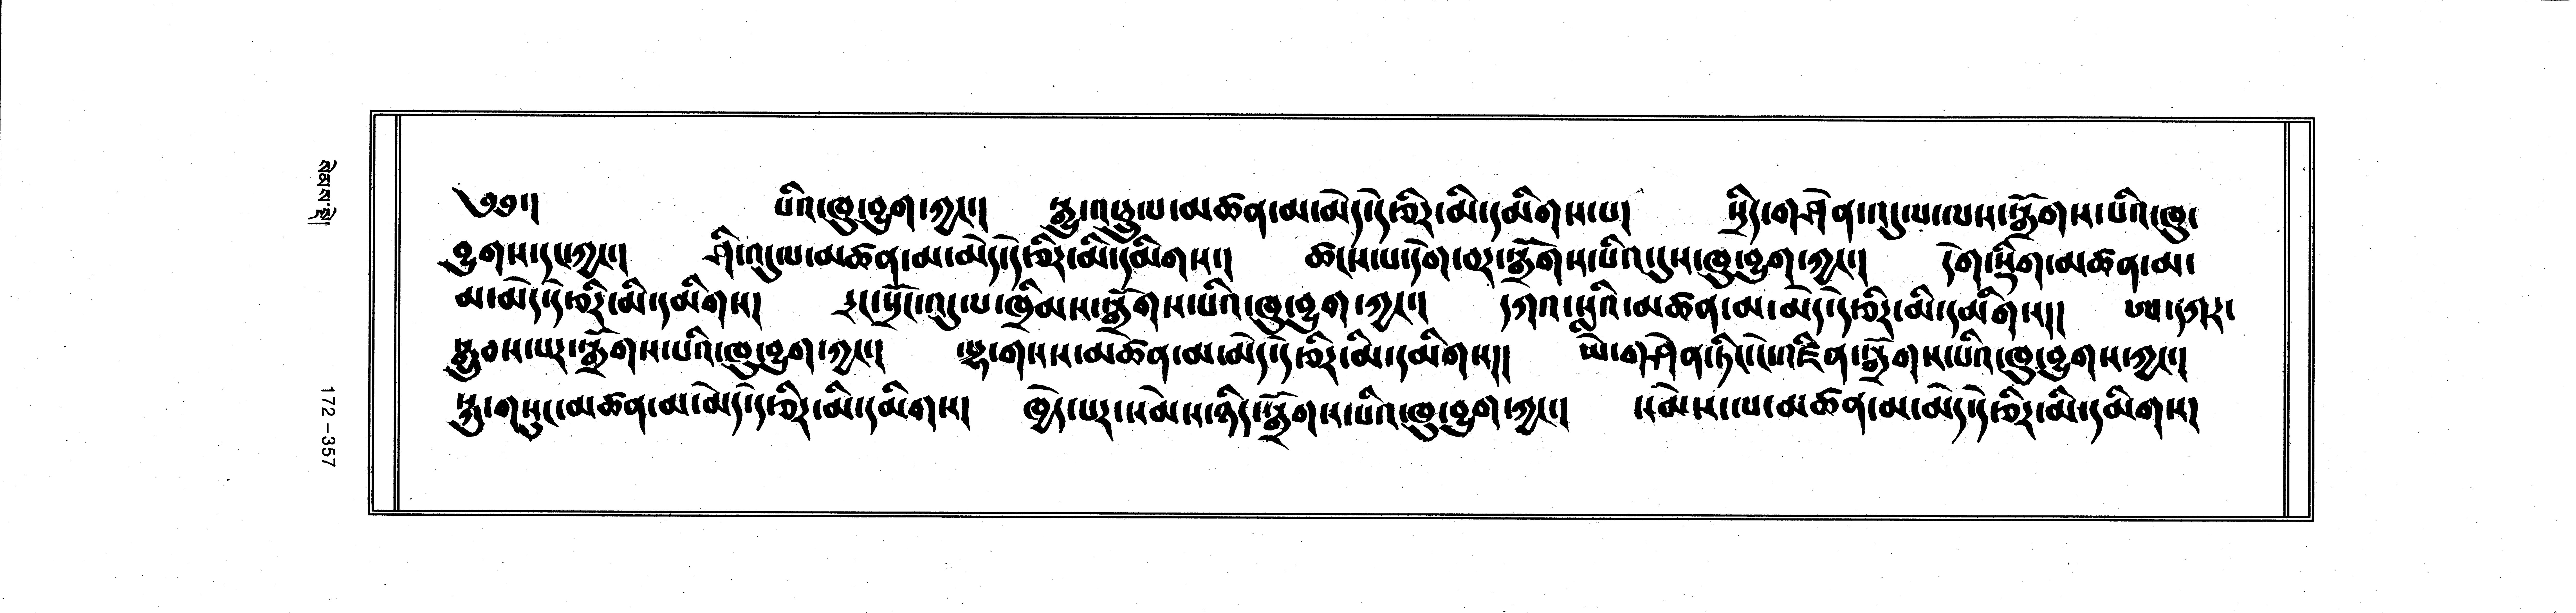པའི་ཁུ་བྱུག་ཀྱང་། སྒྱུ་འཕྲུལ་མཚན་མ་མེད་དེ་ཅིར་མི་དམིགས་པ། སྲིད་གཤེན་འདུལ་ལས་སྒྲོགས་པའི་ཁུ་
བྱུག་ཀྱང་། ཤི་འདུལ་མཚན་མ་མེད་དེ་ཅིར་མི་དམིགས། ཚངས་པ་དགེ་བར་སྒྲོགས་པའི་དུས་ཁུ་བྱུག་ཀྱང་། དགེ་སྡིག་མཚན་མ་
མེད་དེ་ཅིར་མི་དམིགས། དྲང་སྲོང་འདུལ་ཁྲིམས་སྒྲོགས་པའི་ཁུ་བྱུག་ཀྱང་། དཀའ་སླའི་མཚན་མ་མེད་དེ་ཅིར་མི་དམིགས། ཨ་དཀར་
སྒྲུབས་པར་སྒྲོགས་པའི་ཁུ་བྱུག་ཀྱང་། ལྷ་གསས་མཚན་མ་མེད་དེ་ཅིར་མི་དམིགས། ཡེ་གཤེན་ཏིང་འཛིན་སྒྲོགས་པའི་ཁུ་བྱུག་ཀྱང་། 
སྐུ་གསུང་མཚན་མ་མེད་དེ་ཅིར་མི་དམིགས། ཁྱེད་པར་སེམས་ཉིད་སྒྲོགས་པའི་ཁུ་བྱུག་ཀྱང་། སེམས་ལ་མཚན་མ་མེད་དེ་ཅིར་མི་དམིགས།